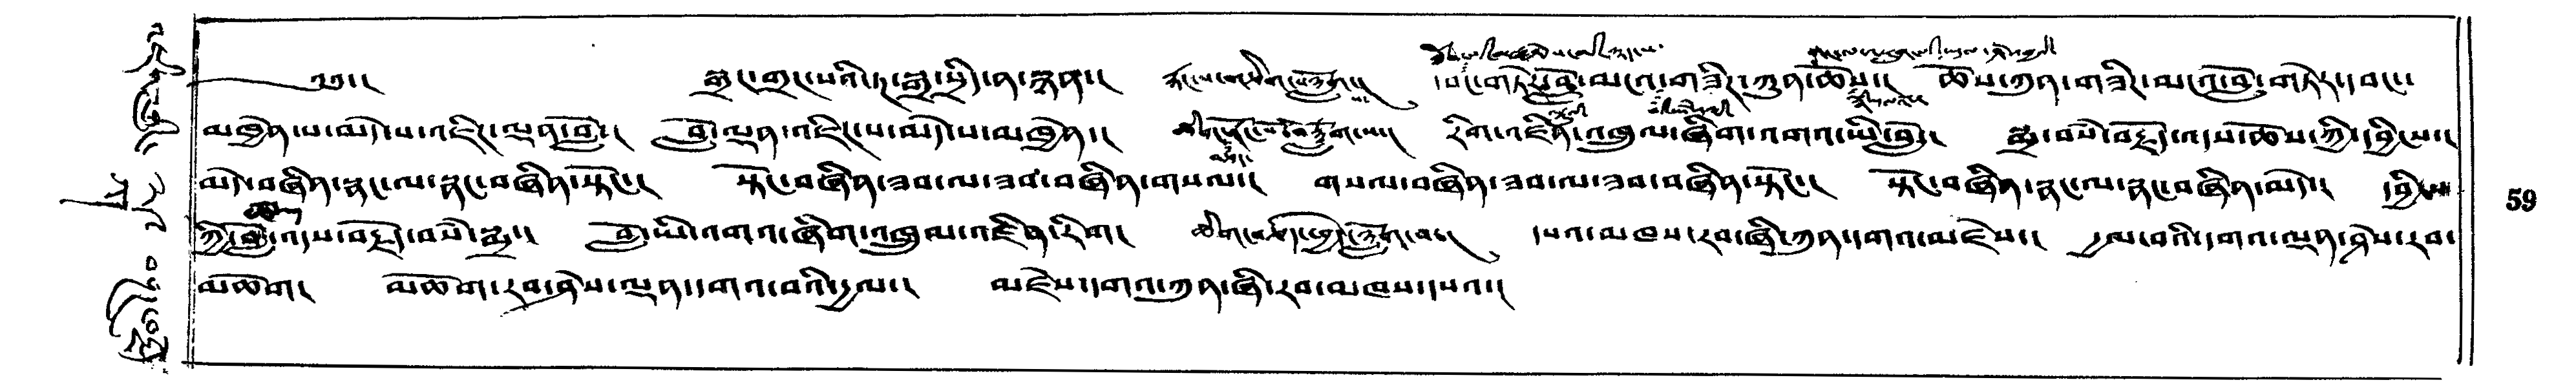བསྒྲགས་གྲགས་པའི་རྔ་སྒྲ་སྲིད་ན་སྙན། ། རྐང་པ་གཅིག་བཟློག་པ། དབང་ཐོབ་པའི་མཁྱེན་པ་མི་ཟད་པ། གཏེར་བློ་མངའ་བའི་ཡེ་ཤེས་ཀྱི་གཟིགས་ཀུན་ཆོས། ། རྣམས་ལའོ། གང་ལ་འཇུག་པའི་ཡུལ་ཤེས་བྱའི། ཆོས་ཀུན་གཟིགས་མངའ་བློ་གཏེར་དབང། །
མཁྱེན་པ་མེད་པ་འཇིགས་ལྡན་བློ། །བློ་ལྡན་འཇིགས་པ་མེད་པ་མཁྱེན། ། ཚིག་བཅད་དང་པོ་བཟློག་པ། རིག་འཛིན་འཁྲུལ་ཞིག་འགའ་ཡི་བློ། །སྨྲ་བསམ་བརྗོད་འདས་ཆོས་ཀྱི་དབྱིངས། །
མེད་བཞིན་སྣང་ལ་སྣང་བཞིན་སྟོང་། །སྟོང་བཞིན་ཟབ་ལ་ཟབ་བཞིན་གསལ། །གསལ་བཞིན་ཟབ་ལ་ཟབ་བཞིན་སྟོང་། །སྟོང་བཞིན་སྣང་ལ་སྣང་བཞིན་མེད། །དབྱིངས་
ཀྱི་བློ་འདས་བརྗོད་བསམ་སྨྲ། །བློ་ཡི་འགའ་ཞིག་འཁྲུལ་འཛིན་རིག། ཚིག་བཅད་ཕྱེད་ཟློག་པ། དཔའ་མཁས་རབ་ཞི་ཀུན་དགའ་མཛེས། །རྒྱལ་བའི་དགའ་ལྡན་ཤེས་རབ་
མཆོག ། མཆོག་རབ་ཤེས་ལྡན་དགའ་བའི་རྒྱལ། །མཛེས་དགའ་ཀུན་ཞི་རབ་མཁས་དཔའ།